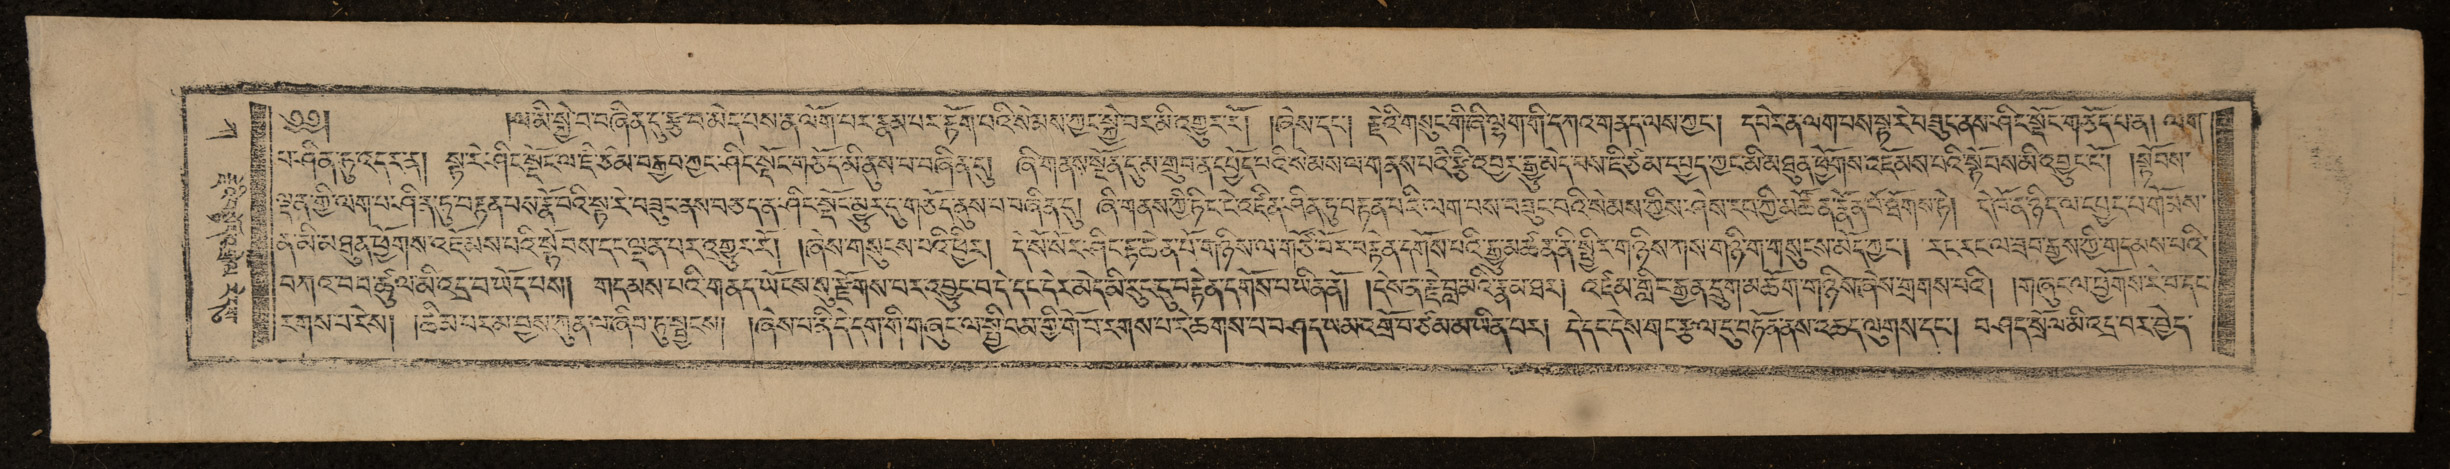༄༅། །ལ་མི་སྐྱེ་བ་བཞིན་དུ་རྩ་བ་མེད་པས་ན་ལོག་པར་རྣམ་པར་རྟོག་པའི་སེམས་ཀྱང་སྐྱེ་བར་མི་འགྱུར་རོ། །ཞེས་དང་། རྗེའི་གསུང་གི་ཞི་ལྷག་གི་དཀའ་གནད་ལས་ཀྱང་། དཔེར་ན་ལག་པས་སྟ་རེ་བཟུང་ནས་ཤིང་སྡོང་གཅོད་པ་ན། ལག་
བ་ཤིན་ཏུ་འདར་ན། སྟ་རེ་ཤིང་སྤོང་ལ་ཇི་ཙམ་བརྒྱབ་ཀྱང་ཤིང་སྡོང་གཅོད་མི་ནུས་པ་བཞིན་དུ། ཞི་གནས་སྔོན་དུ་མ་གྲུབ་ན་དཔྱོད་པའི་སེམས་ལ་གནས་པའི་རྩི་འབྱར་རྒྱུ་མེད་པས་ཇི་ཙམ་དཔྱད་ཀྱང་མི་མཐུན་ཕྱོགས་འཇོམས་པའི་སྟོབས་མི་འབྱུང་ངོ། །སྟོབས་
ལྡན་གྱི་ལག་པ་ཤིན་ཏུ་བརྟན་པས་རྣོ་བའི་སྟ་རེ་བཟུང་ནས་བཅད་ན་ཤིང་སྡོང་མྱུར་དུ་གཅོད་ནུས་པ་བཞིན་དུ། ཞི་གནས་ཀྱི་ཏིང་ངེ་འཛིན་ཤིན་ཏུ་བརྟན་པའི་ལག་པས་བཟུང་བའི་སེམས་ཀྱིས་ཤེས་རབ་ཀྱི་མཚོན་རྣོན་པོ་ཐོགས་ཏེ། དེ་ཁོ་ན་ཉིད་ལ་དབྱད་པ་གོམས་
ན་མི་མཐུན་ཕྱོགས་འཇོམས་པའི་སྟོབས་དང་ལྡན་པར་འགྱུར་རོ། །ཞེས་གསུངས་པའི་ཕྱིར། དེ་སོ་སོར་ཤིང་རྟ་ཆེན་པོ་གཉིས་ལ་གཙོ་བོར་བརྟེན་དགོས་པའི་རྒྱུ་མཚན་ནི་སྤྱིར་གཉིས་གས་གཉི་ག་གསུངས་མོད་ཀྱང་། རང་རང་ལ་ཟབ་རྒྱས་ཀྱི་གདམས་པའི་
བཀའ་བབ་ཚུལ་མི་འདྲ་བ་ཡོད་པས། གདམས་པའི་གནད་ཡོངས་སུ་རྫོགས་པར་འབྱུང་བ་དེ་དང་དེར་མེད་མི་རུང་དུ་བརྟེན་དགོས་བ་ཡིན་ནོ། །དེས་ན་རྗེ་བླ་མའི་རྣམ་ཐར། འཛམ་གླིང་རྒྱན་དྲུག་མཆོག་གཉིས་ཞེས་གྲགས་པའི། །གཞུང་ལ་ཕྱོགས་རེ་བ་དང་
རགས་པ་རེས། །ཚིམ་པར་མ་བྱས་ཀུན་ལ་ཞིབ་ཏུ་སྦྱངས། །ཞེས་པ་ནི་དེ་དག་གི་གཞུ་པ་ལ་སྤྱི་བམ་གྱི་གོང་པ་རགས་པ་རེ་ཆགས་པ་བཤད་ཡམ་འགྲོ་བ་ཙམ་མ་ཡིན་པར། དེ་དང་དེས་གང་རྩལ་དུ་བཏོན་ནས་འཆད་ལུགས་དང་། བཤད་སྲོལ་མི་འདྲ་བར་བྱེད་